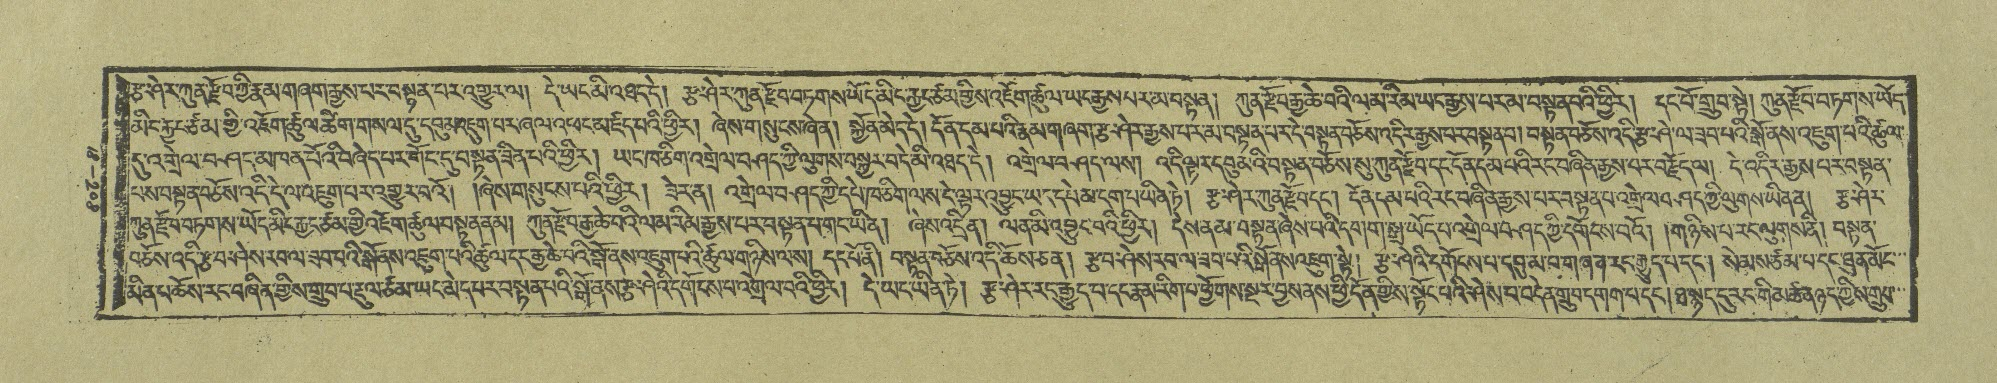རྩ་ཤེར་ཀུན་རྫོབ་ཀྱི་རྣམ་གཞག་རྒྱས་པར་བསྟན་པར་འགྱུར་ལ། དེ་ཡང་མི་འཐད་དེ། རྩ་ཤེར་ཀུན་རྫོབ་བཏགས་ཡོད་མིང་རྐྱང་ཙམ་གྱིས་འཇོག་ཚུལ་ཡང་རྒྱས་པར་མ་བསྟན། ཀུན་རྫོབ་རྒྱ་ཆེ་བའི་ལམ་རིམ་ཡང་རྒྱས་པར་མ་བསྟན་པའི་ཕྱིར། དང་པོ་གྲུབ་སྟེ། ཀུན་རྫོབ་བཏགས་ཡོད་
མིང་རྐྱང་ཙམ་གྱི་འཇོག་ཚུལ་ཚིག་གསལ་དུ་དབུ་མ་འཇུག་པར་ཞལ་འཕང་མཛད་པའི་ཕྱིར། ཞེས་གསུངས་ཞེ་ན། སྐྱོན་མེད་དེ། དོན་དམ་པའི་རྣམ་གཞག་རྩ་ཤེར་རྒྱས་པར་མ་བསྟན་པར་དེ་བསྟན་བཅོས་འདིར་རྒྱས་པར་བསྟན་པ། བསྟན་བཅོས་འདི་རྩ་ཤེས་ལ་ཟབ་པའི་སྒོ་ནས་འཇུག་པའི་ཚུལ་
དུ་འགྲེལ་བཤད་མཁན་པོའི་བཞེད་པར་གོང་དུ་བསྟན་ཟིན་པའི་ཕྱིར། ཡང་ཁ་ཅིག་འགྲེལ་བཤད་ཀྱི་ལུགས་བསྐྱར་བདེ་མི་འཐད་དེ། འགྲེལ་བཤད་ལས། འདི་ལྟར་དབུ་མའི་བསྟན་བཅོས་སུ་ཀུན་རྫོབ་དང་དོན་དམ་པའི་རང་བཞིན་རྒྱས་པར་བརྗོད་ལ། དེ་འདིར་རྒྱས་པར་བསྟན་
པས་བསྟན་བཅོས་འདི་དེ་ལ་འཇུག་པར་འགྱུར་བའོ། །ཞེས་གསུངས་པའི་ཕྱིར། ཟེར་ན། འགྲེལ་བཤད་ཀྱི་དཔེ་ཁ་ཅིག་ལས་དེ་ལྟར་འབྱུང་ཡང་དཔེ་མ་དག་པ་ཡིན་ཏེ། རྩ་ཤེར་ཀུན་རྫོབ་དང་། དོན་དམ་པའི་རང་བཞིན་རྒྱས་པར་བསྟན་པ་འགྲེལ་བཤད་ཀྱི་ལུགས་ཡིན་ན། རྩ་ཤེར་
ཀུན་རྫོབ་བཏགས་ཡོད་མིང་རྐྱང་ཙམ་གྱི་འཇོག་ཚུལ་བསྟན་ནམ། ཀུན་རྫོབ་རྒྱ་ཆེ་བའི་ལམ་རིམ་རྒྱས་པར་བསྟན་པ་གང་ཡིན། ཞེས་འདྲི་ན། ལན་མི་འབྱུང་བའི་ཕྱིར། དེས་ན་མ་བསྟན་ཞེས་པའི་དགག་སྒྲ་ཡོད་པ་འགྲེལ་བཤད་ཀྱི་དགོངས་པའོ། །གཉིས་པ་རང་ལུགས་ནི། བསྟན་
བཅོས་འདི་རྩ་བ་ཤེས་རབ་ལ་ཟབ་པའི་སྒོ་ནས་འཇུག་པའི་ཚུལ་དང་རྒྱ་ཆེ་བའི་སྒོ་ནས་འཇུག་པའི་ཚུལ་གཉིས་ལས། དང་པོ་ནི། བསྟན་བཅོས་འདི་ཆོས་ཅན། རྩ་བ་ཤེས་རབ་ལ་ཟབ་པའི་སྒོ་ནས་འཇུག་སྟེ། རྩ་ཤེའི་དགོངས་པ་དབུ་མ་པ་གཞན་རང་རྒྱུད་པ་དང་། སེམས་ཙམ་པ་དང་ཐུན་མོང་
མིན་པ་ཆོས་རང་བཞིན་གྱིས་གྲུབ་པ་རྡུལ་ཙམ་ཡང་མེད་པར་བསྟན་པའི་སྒོ་ནས་རྩ་ཤེའི་དགོངས་པ་འགྲེལ་བའི་ཕྱིར། དེ་ཡང་ཡིན་ཏེ། རྩ་ཤེར་རང་རྒྱུད་པ་དང་རྣམ་རིག་པ་ཕྱོགས་སྔར་བྱས་ནས་ཕྱི་དོན་གྱིས་སྟོང་བའི་ཤེས་པ་བདེན་གྲུབ་དགག་པ་དང་། ཐ་སྙད་དུ་རང་གི་མཚན་ཉིད་ཀྱིས་གྲུབ་